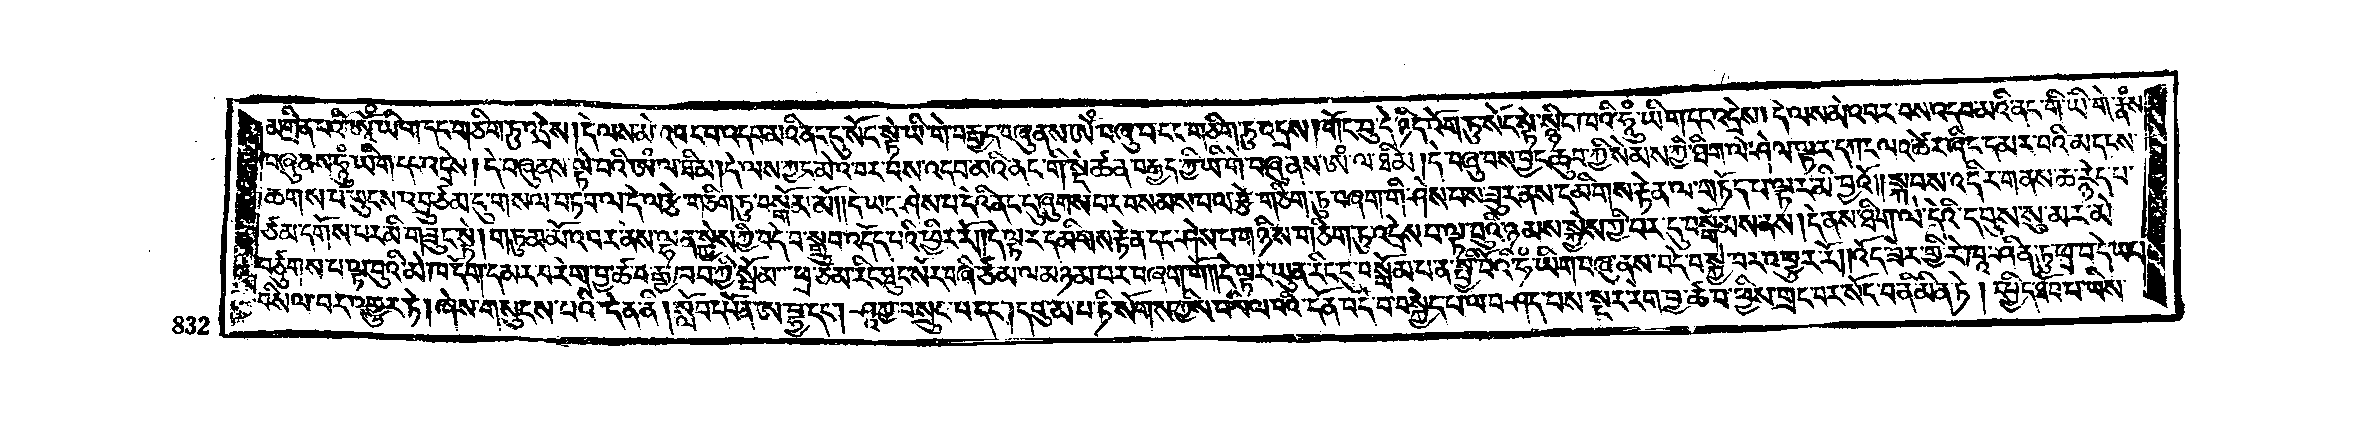མགྲིན་པའི་OM་ཡིག་དང་གཅིག་ཏུ་འདྲེས། དེ་ལས་མེ་འབར་བ་འདབ་མའི་ནང་དུ་སོང་སྟེ་ཡི་གེ་བརྒྱད་བཞུ་ནས་ཨོཾ་བཞུ་པ་དང་གཅིག་ཏུ་འདྲས། གོང་བུ་དེ་ཉིད་འོག་ཏུ་སོང་སྟེ་སྙིང་ཁའི་ཧཱུཾ་ཡིག་དང་འདྲེས། དེ་ལས་མེ་འབར་བས་འདབ་མའི་ནང་གི་ཡི་གེ་རྣམས་
བཞུ་ནས་ཧཱུཾ་ཡིག་དང་འདྲེས། དེ་བཞུ་ནས་ལྟེ་བའི་ཨཾ་ལ་ཐིམ། དེ་ལས་ཀྱང་མེ་འབར་བས་འདབ་མའི་ནང་གི་སྡེ་ཚན་བརྒྱད་ཀྱི་ཡི་གེ་བཞུ་ནས་ཨཾ་ལ་ཐིམ། དེ་བཞུ་བས་བྱང་ཆུབ་ཀྱི་སེམས་ཀྱི་ཐིག་ལེ་ཤེལ་ལྟར་དཀར་ལའི་ཚེར་ཞིང་དམར་བའི་མདངས་
ཆགས་པ་ཡུངས་འབྲུ་ཙམ་དུ་གསལ་བཏབ་ལ་དེ་ལ་རྩེ་གཅིག་ཏུ་བསྒོམ་མོ། །དེ་ཡང་ཤེས་པ་དེའི་ནང་དུ་ཞུགས་པར་བསམས་པ་ལ་རྩེ་གཅིག་ཏུ་བཞག་གི་ཤེས་པས་ཟུར་ནས་དམིགས་རྟེན་ལ་གཏོད་པ་ལྟར་མི་བྱའོ། །སྐབས་འདིར་གནས་ཆ་རྙེད་པ་
ཙམ་དགོས་པར་མི་གཟུང་སྟེ། གཏུམ་མོ་འབར་ནས་ལྷན་སྐྱེས་ཀྱི་བདེ་བ་སྒྲུབ་འདོད་པའི་ཕྱིར་རོ། །དེ་ལྟར་དམིགས་རྟེན་དང་ཤེས་པ་གཉིས་གཅིག་ཏུ་འདྲེས་པ་ལྟ་བུའི་ཉམས་སྐྱེས་ཀྱི་བར་དུ་བསྒོམས་ནས། དེ་ནས་ཐིག་ལེ་དེའི་དབུས་སུ་མར་མེ་
བཙུགས་པ་ལྟ་བུའི་མེ་ཁ་དོག་དམར་བ་རེག་བྱ་ཚ་བ་རྒྱ་ཁབ་ཀྱི་སྦོམ་ཕྲ་ཙམ་རིང་ཐུང་སོར་བཞི་ཙམ་ལ་མཉམ་པར་བཞག་གོ། །དེ་ལྟར་ཡུན་རིང་དུ་བསྒོམ་པ་ན་སྤྱི་བོའི་ཧཾ་ཡིག་བཞུ་ནས་བདེ་བ་སྐྱེ་བར་འགྱུར་རོ། །འོད་ཟེར་གྱི་རེ་ཁཱ་ཤིན་ཏུ་ཕྲ་བ་དེ་ཡང་
བསིལ་བར་འགྱུར་ཏེ། ཞེས་གསུངས་པའི་དོན་ནི། སློབ་དཔོན་ཨ་བྷྱ་དང་། ཤཱཀྱ་བསྲུང་པ་དང་། དབུ་མ་པ་ཏི་སོགས་ཀྱིས་བསིལ་པའི་དོན་བདེ་བ་བསྐྱེད་པ་ལ་བཤད་པས་སྔར་རེག་བྱ་ཚ་བ་ཕྱིས་གྲང་བར་སོང་བ་ནི་མིན་ཏེ། དཔྱིད་ཐོབ་པ་ཡིས་